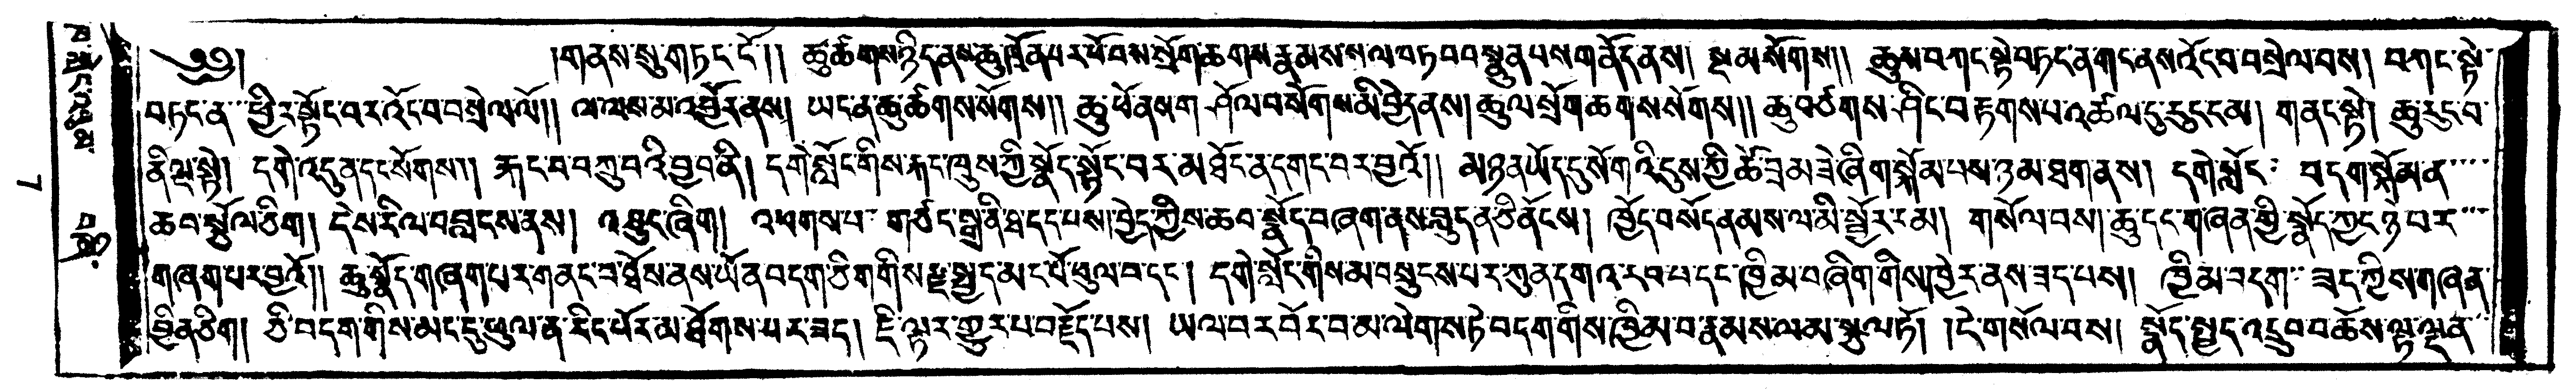༄༅། །གནས་སུ་གཏང་ངོ།། ཆུ་ཚགས་ཉིད་ནས་ཆུ་ཁྲོན་པར་ཕོ་བས་སྲོག་ཆགས་རྣམས་ས་ལ་བཏབ་བསྣུན་པས་གནོད་ནས། སྔ་མ་སོགས།། ཆུས་བཀང་སྟེ་བཏང་ན་གང་ནས་འོང་བ་བསྲེལ་བས། བཀང་སྟེ་
བཏང་ན་ཕྱིར་སྟོང་བར་འོང་བ་བསྲེལ་ལོ།། ལ་ལས་མ་འབྱོར་ནས། ཡང་ན་ཆུ་ཚགས་སོགས།། ཆུ་ཕོ་ནས་གཤོལ་བ་སོགས་མི་བྱེད་ནས། ཆུ་ལ་སྲོག་ཆགས་སོགས།། ཆུ་བཙགས་ཤིང་བརྟགས་པ་འཚལ་དུ་རུང་ངམ། གནང་སྟེ། ཆུ་རུང་བ་
ནི་ལྔ་སྟེ། དགེ་འདུན་དང་སོགས།། རྐང་བ་བཀྲུ་བའི་བྱ་བ་ནི། དགེ་སློང་གིས་རྐང་ཁྲུས་ཀྱི་སྣོད་སྟོང་བར་མཐོང་ན་དགང་བར་བྱའོ།། མཉན་ཡོད་དུ་སོ་གའི་དུས་ཀྱི་ཚེ་བྲམ་ཟེ་ཞིག་སྐོམ་པས་ཉམ་ཐག་ནས། དགེ་སློང་བདག་སྐོམ་ན་
ཆབ་སྩོལ་ཅིག། དེས་རིལ་བ་བླངས་ནས། འཐུང་ཞིག། འཕགས་པ་གཙང་སྒྲ་ནི་ཐ་དད་པས། བྱེད་ཀྱིས་ཆབ་སྣོད་བཞག་ནས་བླུད་ན་ཅི་ནོངས། ཁྱོད་བསོད་ནམས་ལ་མི་སྦྱོར་རམ། གསོལ་བས། ཆུ་དང་གཞན་གྱི་སྣོད་ཀྱང་ཉེ་བར་
གཞག་པར་བྱའོ།། ཆུ་སྣོད་གཞག་པར་གནང་བ་ཐོས་ནས་ཡོན་བདག་ཅིག་གིས་རྫ་སྤྱད་མང་པོ་ཕུལ་བ་དང་། དགེ་སློང་གིས་མ་བསྲུངས་པར་ཀུན་དགའ་རབ་པ་དང་ཁྱིམ་བཞིག་གིས་ཁྱེར་ནས་ཟད་པས། ཁྱིམ་བདག་ཟད་ཀྱིས་གཞན་
བྱིན་ཅིག། ཅི་བདག་གིས་མང་དུ་ཕུལ་ན་རིང་པོར་མ་ཐོགས་པར་ཟད། ཇི་ལྟར་གྱུར་པ་བརྗོད་པས། ཡལ་བར་བོར་བ་མ་ལེགས་ཏེ་བདག་གིས་ཁྱིམ་པ་རྣམས་ལམ་སྩལ་ཏོ། །དེ་གསོལ་བས། སྣོད་སྤྱད་འདྲུབ་བ་ཆོས་ལྟ་ལྡན་